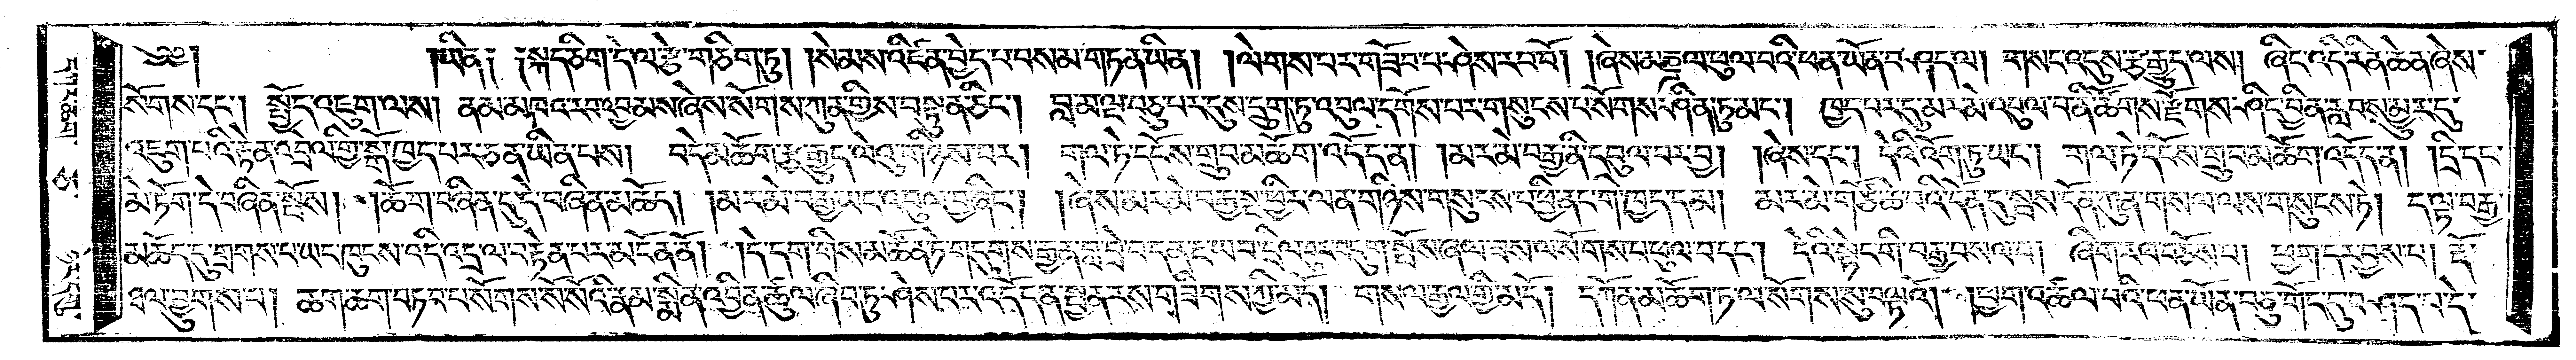༄༅། །ཡིན༑ ༑སྐད་ཅིག་དེ་ལ་རྩེ་གཅིག་ཏུ། །སེམས་འཛིན་བྱེད་པ་བསམ་གཏན་ཡིན། །ལེགས་པར་གཟོབ་པ་ཤེས་རབ་བོ། །ཞེས་མཎྜལ་ཕུལ་བའི་ཕན་ཡོན་བཤད་ལ། གསང་འདུས་རྩ་རྒྱུད་ལས། ཞིང་འདིར་རིན་ཆེན་ཞེས་
སོགས་དང་། སྤྱོད་འཇུག་ལས། ནམ་མཁའ་རབ་འབྱམས་ཞེས་སོགས་ཀུན་གྱིས་བསྟུན་ཅིང་། བླ་མ་ལྔ་བཅུ་པར་དུས་དྲུག་ཏུ་འབུལ་དགོས་པར་གསུངས་པ་སོགས་ཤིན་ཏུ་མང་། ཁྱད་པར་དུ་མར་མེ་འབུལ་བ་ནི་ཚོགས་རྫོགས་ཤིང་བྱིན་རླབས་མྱུར་དུ་
འཇུག་པའི་རྟེན་འབྲེལ་གྱི་སྒོ་ཁྱད་པར་ཅན་ཡིན་པས། བདེ་མཆོག་རྩ་རྒྱུད་ལེའུ་གཉིས་པར། གལ་ཏེ་དངོས་གྲུབ་མཆོག་འདོད་ན། །མར་མེ་བརྒྱ་ནི་དབུལ་བར་བྱ། །ཞེས་དང་། དེའི་འོག་ཏུ་ཡང་། གལ་ཏེ་དངོས་གྲུབ་མཆོག་འདོད་ན། །དྲི་དང་
མེ་ཏོག་དེ་བཞིན་སྤོས། །ཆོག་བཞིན་དུ་དེ་བཞིན་མཆོད། །མར་མེ་བརྒྱ་ཡང་འབུལ་བྱ་ཞིང་། །ཞེས་མར་མེ་བརྒྱ་སྔ་ཕྱིར་ལན་གཉིས་གསུངས་པ་ཕྱི་ནང་གི་ཁྱད་དམ། མར་མེ་གཙོ་ཆེ་བའི་དོན་དུ་སྦས་དོན་ཀུན་གསལ་ལས་གསུངས་ཏེ། ད་ལྟ་བརྒྱ་
མཆོད་དུ་གྲགས་པ་ཡང་ཁུངས་འདི་འདྲ་ལ་བརྟེན་པར་མངོན་ནོ། །དེ་དག་གིས་མཚོན་ཏེ་གདུགས་རྒྱན་བླ་བྲེ་བདན་རྔ་ཡབ་དྲིལ་བུར་བདུག་སྤོས་ཞལ་ཟས་ལ་སོགས་པ་ཕུལ་བ་དང་། དེའི་སྟེང་གི་བརྒྱ་བསལ་བ། ཞིག་རལ་བཅོས་པ། ཕྱག་དར་བྱས་པ། རྡོ་
ཐལ་བྱུགས་པ། ཆག་ཆག་བཏབ་པ་སོགས་སོ་སོའི་རྣམ་སྨིན་འབྱིན་ཚུལ་ཞིབ་ཏུ་ཤེས་པར་འདོད་ན་སྤྱན་རས་གཟིགས་ཀྱི་མདོ། གསལ་རྒྱལ་གྱི་མདོ། དཀོན་མཆོག་ཏ་ལ་སོགས་སུ་བལྟའོ། །ཕྱག་འཚལ་བའི་ཕན་ཡོན་བཅུ་གོང་དུ་བཤད་པ་དེ་